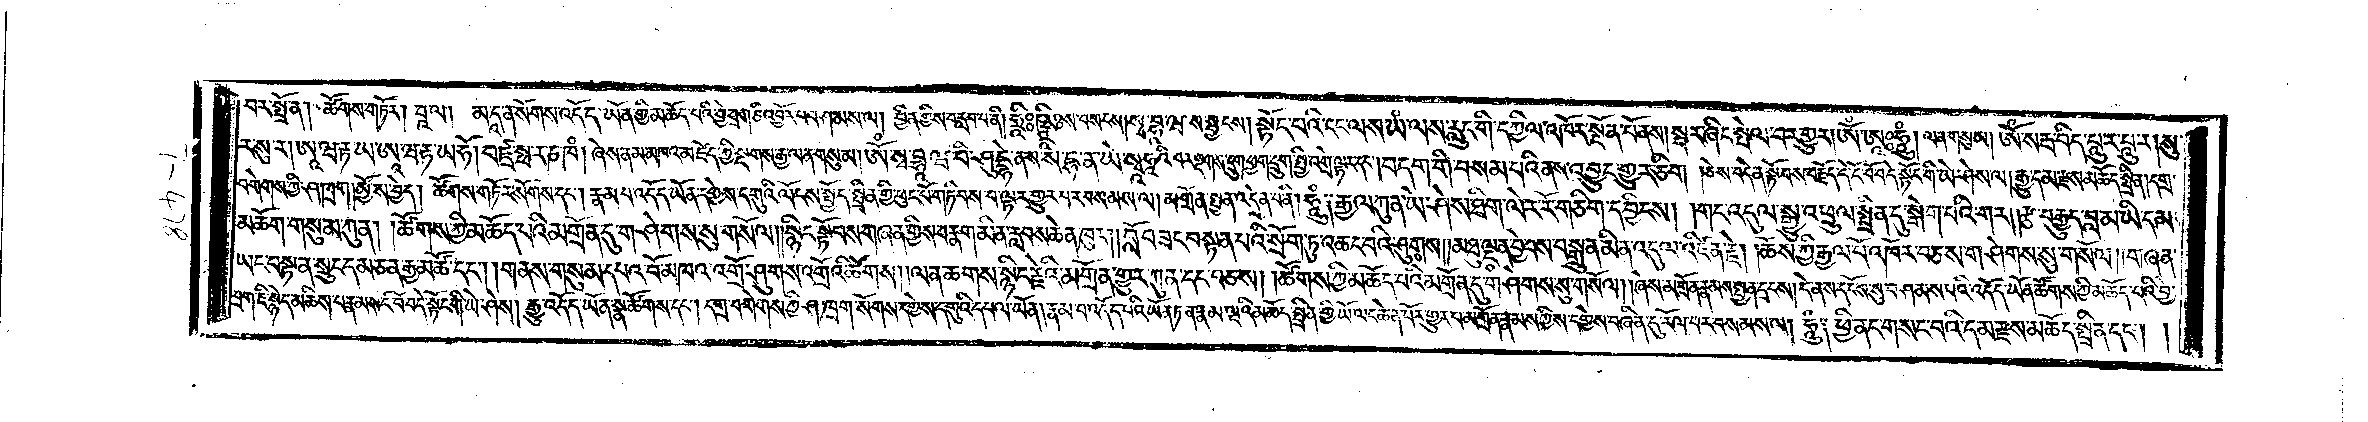བར་སྤྲོན། ཚོགས་གཏོར། བཱ་ལ། མ་དཱ་ན་སོགས་འདོད་ཡོན་གྱི་མཆོད་པའི་བྱེ་བྲག་ཅི་འབྱོར་བ་བཤམས་ལ། བྱིན་གྱིས་བརླབ་པ་ནི། ཧྲཱིཿཥྚྲཱིཿས་བསངས། སྭ་བྷཱ་ཝས་སྦྱངས།  སྟོང་བའི་ངང་ལས་ཡཾ་ལས་རླུང་གི་དཀྱིལ་འཁོར་སྔོན་པོ་ནས། སྦར་ཞིང་སྤེལ་བར་གྱུར། ཨོཾ་ཨཱཿཧཱུཾ། ལན་གསུམ།  ཨོཾ་སརྦ་བིད་པཱུ་ར་པཱུ་ར། སུ་
ར་སུ་ར། ཨཱ་ཝརྟ་ཡ་ཨཱ་ཝརྟ་ཡ་ཧོ། བཛྲ་སྥ་རཎ་ཁཾ། ཞེས་ནམ་མཁའ་མཛོད་ཀྱི་སྔགས་རྒྱ་ལན་གསུམ།  ཨོཾ་སྭ་བྷཱ་ཝ་བིཤུདྡྷེ་ནས་ས་དྷ་ན་ཡེ་སྭཱ་ཧརཝའཨི་བར་སྔགས་དྲུག་ཕྱག་དྲུག་སྤྱི་འགྲེ་ལྟར་དང་།  བདག་གི་བསམ་པའི་ནས་འབྱུང་གྱུར་ཅིག །ཅེས་བདེན་སྟོབས་བརྗོད་དེ་ངོ་བོ་བདེ་སྟོང་གི་ཡེ་ཤེས་ལ། རྒྱུ་དམ་རྫས་མཆོད་སྤྲིན་།དགྲ་
བགེགས་ཀྱི་ཤ་ཁྲག །མྱོས་བྱེད། ཚོགས་གཏོར་སོགས་དང་། རྣམ་པ་འདོད་ཡོན་དགྱེས་དགུའི་ལོངས་སྤྱོད་སྤྲིན་གྱི་ཕུང་པོ་གཏིབས་པ་ལྟར་གྱུར་པར་བསམས་ལ། མགྲོན་སྤྱན་འདྲེན་པ་ནི། ཧཱུཾ༑ རྒྱལ་ཀུན་ཡེ་ཤེས་ཐིག་ལེར་རོ་གཅིག་དབྱིངས། །གང་འདུལ་སྒྱུ་འཕྲུལ་སྤྲིན་དུ་སྒེག་པའི་གར། །རྩ་བརྒྱུད་བླ་མ་ཡི་དམ་
མཆོག་གསུམ་ཀུན། །ཚོགས་ཀྱི་མཆོད་པའི་མགྲོན་དུ་གཤེགས་སུ་གསོལ། །སྙིང་སྟོབས་གཞན་གྱིས་བྲང་མིན་རླབས་ཆེན་ཁུར། །བློ་བཟང་བསྟན་པའི་སྲོག་ཏུ་འཆང་བའི་ཤུགས྾། །མཐུ་ལྡན྾་བྱེ་བས་བསྒྲུན་མིན་འདུལ་འཛིན་རྗེ། །ཆོས་ཀྱི་རྒྱལ་པོ་འཁོར་བཅས་གཤེགས་སུ་གསོལ། །གཞན་
ཡང་བསྟན་སྲུང་དམ་ཅན་རྒྱ་མཚོ་དང་། །གནས་གསུམ་དཔའ་བོ་མཁའ་འགྲོ་ཤུགས་འགྲོའི་ཚོགས། །ལན་ཆགས་སྙིང་རྗེའི་མགྲོན་གྱུར་ཀུན་དང་བཅས། །ཚོགས་ཀྱི་མཆོད་པའི་མགྲོན་དུ་གཤེགས་སུ་གསོལ། །ཞེས་མགྲོན་རྣམས་སྤྱན་དྲངས། དེ་ནས་དངོས་སུ་བཤམས་པའི་འདོད་ཡོན་ཚིགས་ཀྱི་མཆོད་པའི་བྱེ་
བྲག་ཇི་སྙེད་མཆིས་པ་རྣམས་ངོ་བོ་བདེ་སྟོང་གི་ཡེ་ཤེས། རྒྱུ་འདོད་ཡོན་སྣ་ཚོགས་དང་། དགྲ་བགེགས་ཀྱི་ཤ་ཁྲག་སོགས་དགྱེས་དགུའི་དཔལ་ཡོན། རྣམ་པ་འདོད་པའི་ཡོན་ཏན་རྣམ་ལྔའི་མཆོད་སྤྲིན་གྱི་ཡོ་ལང་ཆེན་པོར་གྱུར་པ་མགྲོན་རྣམས་གྱིས་དགྱེས་བཞིན་དུ་རོལ་བར་བསམས་ལ། ཧཱུཾ༑ ཕྱི་ནང་གསང་བའི་ད་མྲྫས་མཆོད་སྤྲིན་དང་། །